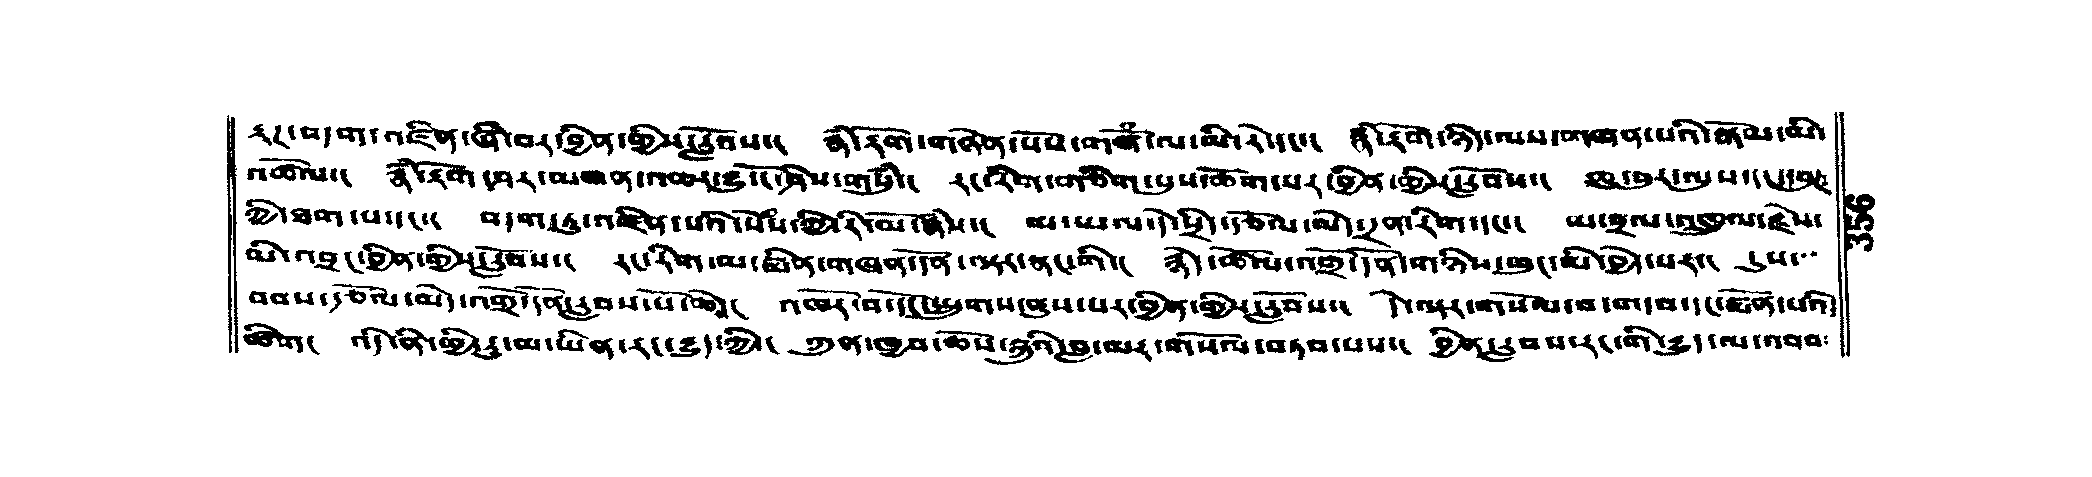རྟགས་བདག་འཛིན་ཞི་བར་བྱིན་གྱིས་རློབས། །རྣམ་རྟོག་གཉེན་པོས་གཞོམ་ལ་མི་རེ་དང་། །རྣམ་རྟོག་ཉིད་ལས་གཞན་པའི་སྒོམ་མི་
འཚོལ། །རྣམ་རྟོག་ཤར་མཁན་འཆར་རྒྱུ་ངོ་ཤེས་གསུམ། རང་རིག་གཅིག་པུས་ཆོག་པར་བྱིན་གྱིས་རློབས། །ཆུ་བུར་ལུས་དང་དབུགས་
ཀྱི་ཐག་པ་དང་། །བདག་ཏུ་འཛིན་པའི་སེམས་ཀྱི་རི་མོ་རྣམས། །མ་ཡལ་དེ་སྲིད་རྩོལ་མེད་དྲན་རིག་དང་། །མ་བྲལ་འཁྲུལ་རྗེས་
མི་འབྲང་བྱིན་གྱིས་རློབས། །རང་རིག་མ་སྨིན་གཞན་དོན་ལྟར་སྣང་གི །རྙེད་ཚོལ་འགྲོ་དོན་གཉིས་ཕུང་མི་བྱེད་པར། །དུས་
བབས་རྩོལ་མེད་འགྲོ་དོན་རླབས་པོ་ཆེས། །འཁོར་བ་དོང་སྤྲུགས་ནུས་པར་བྱིན་གྱིས་རློབས། །དེ་ལྟར་གསོལ་བ་གདབ་དང་སྨོན་པའི་
ཚིག །འདི་ནི་ཕྱི་རུ་མ་ཡིན་རང་རྒྱུད་ཀྱི། །ཀུན་ཁྱབ་ཆོས་སྐུའི་བླ་མར་གསོལ་བཏབ་པས། བྱིན་རླབས་རང་གི་རྒྱུད་ལ་འབབ་